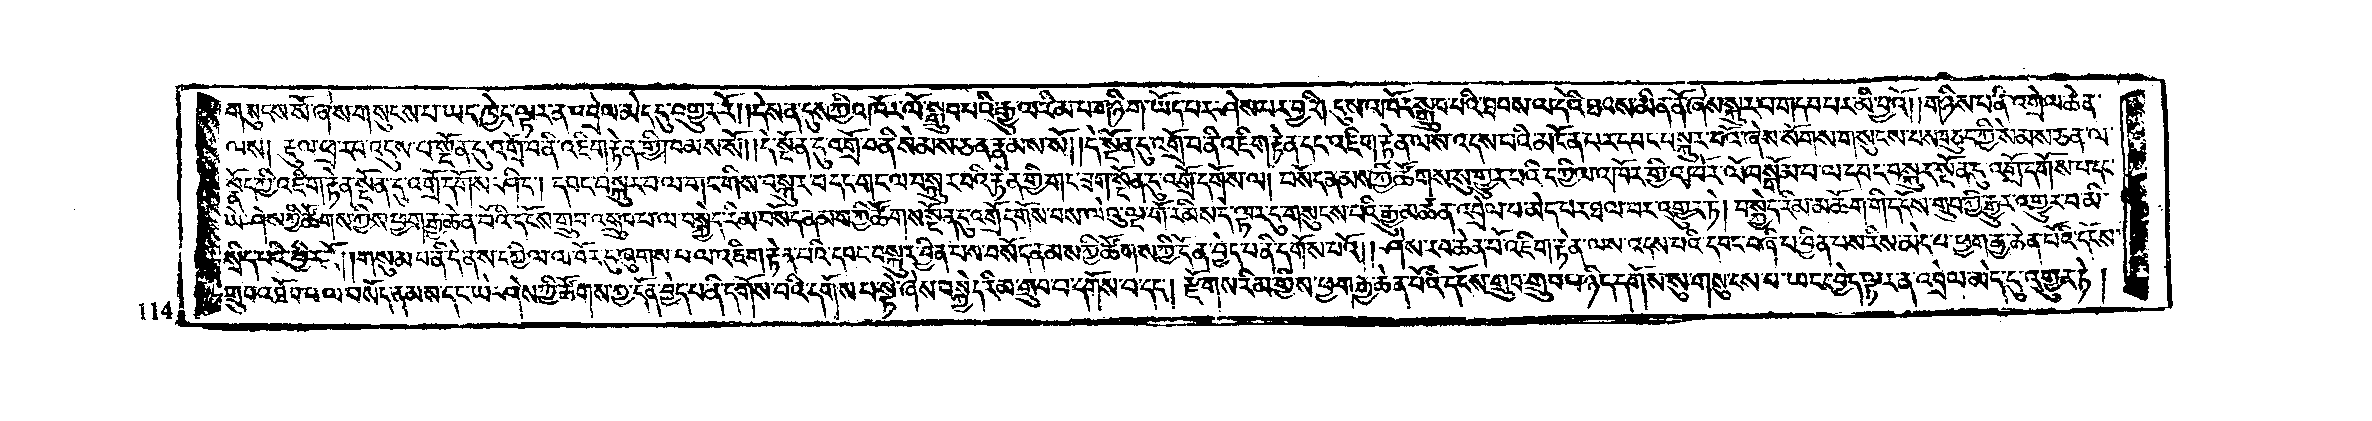གསུངས་སོ་ཞེས་གསུངས་པ་ཡང་ཁྱེད་ལྟར་ན་འབྲེལ་མེད་དུ་འགྱུར་རོ། །དེས་ན་དུས་ཀྱི་འཁོར་ལོ་སྒྲུབ་པའི་རྒྱུ་ལ་རིམ་པ་གཉི་ག་ཡོད་པར་ཤེས་པར་བྱའི། །དུས་འཁོར་སྒྲུབ་པའི་ཐབས་ལ་དེའི་ཐབས་མིན་ནོ་ཞེས་སྐུར་བ་གདབ་པར་མི་བྱའོ། །གཉིས་པ་ནི་འགྲེལ་ཆེན་
ལས། རྡུལ་ཕྲ་རབ་འདུས་པ་སྔོན་དུ་འགྲོ་བ་ནི་འཇིག་རྟེན་གྱི་ཁམས་སོ། །དེ་སྔོན་དུ་འགྲོ་བ་ནི་སེམས་ཅན་རྣམས་སོ། །དེ་སྔོན་དུ་འགྲོ་བ་ནི་འཇིག་རྟེན་དང་འཇིག་རྟེན་ལས་འདས་པའི་མངོན་པར་དབང་བསྐུར་བའོ་ཞེས་སོགས་གསུངས་པས་བཅུད་ཀྱི་སེམས་ཅན་ལ་
སྣོད་ཀྱི་འཇིག་རྟེན་སྔོན་དུ་འགྲོ་དགོས་ཤིང་། དབང་བསྐུར་བ་ལ་གང་གིས་བསྐུར་བ་དང་གང་ལ་བསྐུར་བའི་རྟེན་གྱི་གང་ཟག་སྔོན་དུ་འགྲོ་དགོས་ལ། བསོད་ནམས་ཀྱི་ཚོགས་སུ་གྱུར་བའི་དཀྱིལ་འཁོར་གྱི་འཁོར་ལོ་བསྒོམ་པ་ལ་དབང་བསྐུར་སྔོན་དུ་འགྲོ་དགོས་པ་དང་
ཡེ་ཤེས་ཀྱི་ཚོགས་ཀྱིས་ཕྱག་རྒྱ་ཆེན་པོའི་དངོས་གྲུབ་འགྲུབ་པ་ལ་བསྐྱེད་རིམ་བསོད་ནམས་ཀྱི་ཚོགས་སྔོན་དུ་འགྲོ་དགོས་པས་ལེའུ་ལྔ་གོ་རིམས་དེ་ལྟར་དུ་གསུངས་པའི་རྒྱུ་མཚན་འབྲེལ་པ་མེད་པར་ཐལ་བར་འགྱུར་ཏེ། བསྐྱེད་རིམ་མཆོག་གི་དངོས་གྲུབ་ཀྱི་རྒྱུར་འགྱུར་བ་མི་
སྲིད་པའི་ཕྱིར་རོ། །གསུམ་པ་ནི་དེ་ནས་དཀྱིལ་འཁོར་དུ་ཞུགས་པ་ལ་འཇིག་རྟེན་པའི་དབང་བསྐུར་བྱིན་པས་བསོད་ནམས་ཀྱི་ཚོགས་ཀྱི་དོན་བྱེད་པ་ནི་དགོས་པའོ། །ཤེས་རབ་ཆེན་པོ་འཇིག་རྟེན་ལས་འདས་པའི་དབང་བཞི་པ་བྱིན་པས་རིམ་མེད་པ་ཕྱག་རྒྱ་ཆེན་པོའི་དངོས་
གྲུབ་འཐོབ་པ་ལ་བསོད་ནམས་དང་ཡེ་ཤེས་ཀྱི་ཚོགས་ཀྱི་དོན་བྱེད་པ་ནི་དགོས་པའི་དགོས་པ་སྟེ་ཞེས་བསྐྱེད་རིམ་གྲུབ་པ་དགོས་པ་དང་། རྫོགས་རིམ་གྱིས་ཕྱག་རྒྱ་ཆེན་པོའི་དངོས་གྲུབ་གྲུབ་པ་ཉིད་དགོས་སུ་གསུངས་པ་ཡང་འབྱེད?་ལྟར་ན་འབྲེལ་མེད་དུ་འགྱུར་ཏེ།